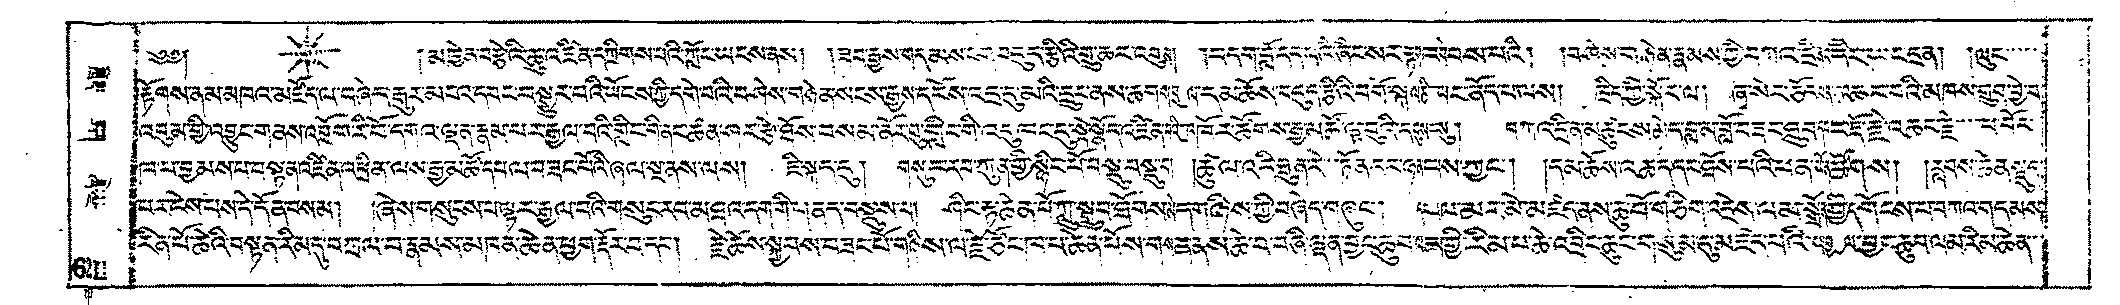༄༅། །མཁྱེན་བརྩེའི་ཆུ་འཛིན་དཀྲིགས་པའི་ཀློང་ཡངས་ནས། །ཟབ་རྒྱས་གདམས་ངག་བདུད་རྩིའི་གྲུ་ཆར་འབུམ། །བདག་བློ་དད་པའི་ཞིང་སར་རྟག་འབེབས་པའི། །བཤེས་གཉེན་རྣམས་ཀྱི་བཀའ་དྲིན་འདིར་ཡང་དྲན། །ལུང་
རྟོགས་ནམ་མཁའ་མཛོད་ལ་བཞེད་རྒུར་མངའ་དབང་བསྒྱུར་བའི་ཡོངས་ཀྱི་དགེ་བའི་བཤེས་གཉེན་སངས་རྒྱས་དངོས་འདྲ་དུ་མའི་དྲུང་ནས་ཆགས་བྲལ་དམ་ཆོས་བདུད་རྩིའི་བགོ་སྐལ་ཅི་ཡང་ནོད་པ་ལས། ཁྲིད་ཀྱི་སྐོར་ལ། ཞྭ་སེར་ཅོད་པན་འཆང་བའི་མཁས་གྲུབ་བྱེ་བ་
འབུམ་གྱི་འབྱུང་གནས་འབྲོག་རི་བོ་དགའ་ལྡན་རྣམ་པར་རྒྱལ་བའི་གླིང་གི་ནང་ཚན་ཤར་རྩེ་ཐོས་བསམ་ནོར་བུ་གླིང་གི་འདུ་ཁང་དུ་སྡེ་སྣོད་འཛིན་པའི་འཁོར་ཚོགས་རྒྱ་མཚོ་ལྟ་བུའི་དབུས་སུ། བཀའ་དྲིན་མཚུངས་མེད་བླ་མ་བློ་བཟང་ཐུབ་དབང་རྡོ་རྗེ་འཆང་རྗེཕ་བོང་
ཁ་པ་བྱམས་པ་བསྟན་འཛིན་འཕྲིན་ལས་རྒྱ་མཚོ་དཔལ་བཟང་པོའི་ཞལ་སྔ་ནས་ལས། ཇི་སྐད་དུ། གསུང་རབ་ཀུན་གྱི་སྙིང་པོ་བསྡུ་བསྡུ་བ། །ཚུལ་འདི་ཐུན་རེཏོན་དང་ཉན་པས་ཀྱང་། །དམ་ཆོས་འཆད་དང་ཐོས་པའི་ཕན་ཡོན་ཚོགས། །རླབས་ཆེན་སྡུད་
པར་ངེས་པས་དེ་དོན་བསམ། །ཞེས་གསུངས་པ་ལྟར་རྒྱལ་བའི་གསུང་རབ་མཐའ་དག་གི་གནད་བསྡུས་པ། ཤིང་རྟ་ཆེན་པོ་ཀླུ་སྒྲུབ་ཐོགས་མེད་གཉིས་ཀྱི་བཞེད་གཞུང་། དཔལ་མར་མེ་མཛད་ནས་ཆུ་བོ་གཅིག་འདྲེས་ལམ་སྒྲོན་གྱི་དགོངས་པ་བཀའ་གདམས་
རིན་པོ་ཆེའི་བསྟན་རིམ་དུ་བཀྲལ་བ་རྣམས་མཁན་ཆེན་ཕྱག་རྡོར་བ་དང་། རྗེ་ཆོས་སྐྱབས་བཟང་པོ་གཉིས་ལ་རྗེ་ཚོང་ཁ་པ་ཆེན་པོས་གསན་ནས་ཆེ་བ་བཞི་ལྡན་བྱང་ཆུབ་ལམ་གྱི་རིམ་པ་ཆེ་འབྲིང་ཆུང་གསུམ་དུ་མཛད་པའི་ཡ་གྱལ་བྱང་ཆུབ་ལམ་རིམ་ཆེན་